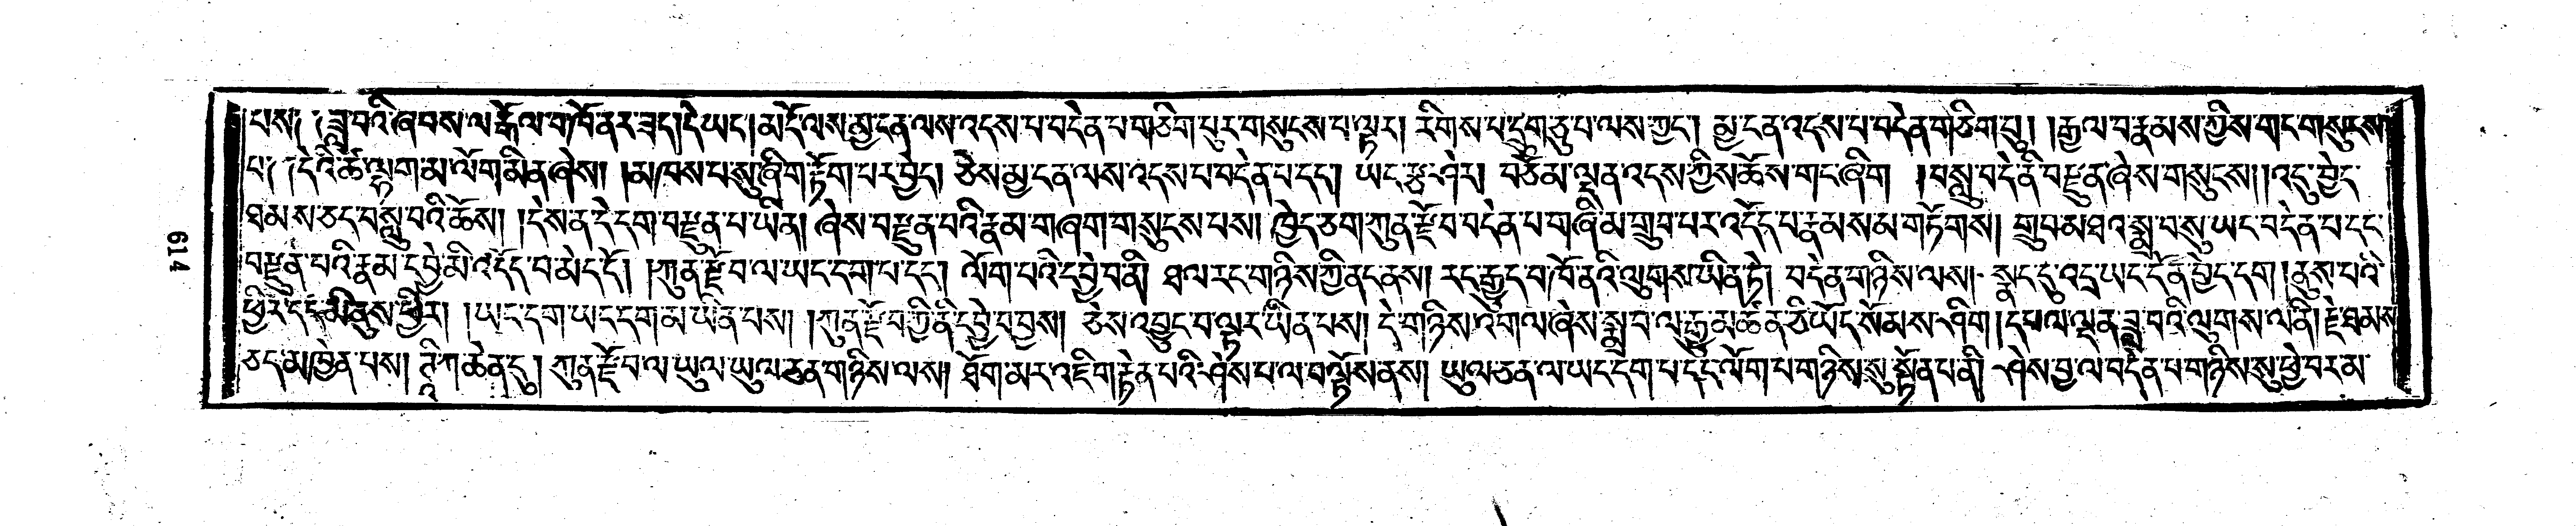པས༑ ༑ཟླ་བའི་ཞབས་ལ་རྒོལ་བ་ཁོ་ནར་ཟད། དེ་ཡང་། མདོ་ལས་མྱ་ངན་ལས་འདས་པ་བདེན་པ་གཅིག་པུར་གསུངས་པ་ལྟར། རིགས་པ་དྲུག་ཅུ་པ་ལས་ཀྱང་། མྱ་ངན་འདས་པ་བདེན་གཅིག་པུ། །རྒྱལ་བ་རྣམས་ཀྱིས་གང་གསུངས་
པ༑ ༑དེའི་ཚེ་ལྷག་མ་ལོག་མིན་ཞེས། །མཁས་པ་སུ་ཞིག་རྟོག་པར་བྱེད། ཅེས་མྱ་ངན་ལས་འདས་པ་བདེན་པ་དང་། ཡང་རྩ་ཤེར། བཅོམ་ལྡན་འདས་ཀྱིས་ཆོས་གང་ཞིག །བསླུ་བ་དེ་ནི་བརྫུན་ཞེས་གསུངས། །འདུ་བྱེད་
ཐམས་ཅད་བསླུ་བའི་ཆོས། །དེས་ན་དེ་དག་བརྫུན་པ་ཡིན། ཞེས་བརྫུན་པའི་རྣམ་གཞག་གསུངས་པས། ཁྱེད་ཅག་ཀུན་རྫོབ་བདེན་པ་གཞི་མ་གྲུབ་པར་འདོད་པ་རྣམས་མ་གཏོགས། གྲུབ་མཐའ་སྨྲ་བ་སུ་ཡང་བདེན་པ་དང་
བརྫུན་པའི་རྣམ་དབྱེ་མི་འདོད་པ་མེད་དོ། །ཀུན་རྫོབ་ལ་ཡང་དག་པ་དང་། ལོག་པའི་དབྱེ་བ་ནི། ཐལ་རང་གཉིས་ཀྱི་ནང་ནས། རང་རྒྱུད་པ་ཁོ་ནའི་ལུགས་ཡིན་ཏེ། བདེན་གཉིས་ལས། སྣང་དུ་འདྲ་ཡང་དོན་བྱེད་དག །ནུས་པའི་
ཕྱིར་དང་མི་ནུས་ཕྱིར། །ཡང་དག་ཡང་དག་མ་ཡིན་པས། །ཀུན་རྫོབ་ཀྱི་ནི་དབྱེ་བ་བྱས། ཅེས་འབྱུང་བ་ལྟར་ཡིན་པས། དེ་གཉིས་འགལ་ཞེས་སྨྲ་བ་ལ་རྒྱུ་མཚན་ཅི་ཡོད་སོམས་ཤིག །དཔལ་ལྡན་ཟླ་བའི་ལུགས་ལ་ནི། རྗེ་ཐམས་
ཅད་མཁྱེན་པས། ཊཱིཀ་ཆེན་དུ། ཀུན་རྫོབ་ལ་ཡུལ་ཡུལ་ཅན་གཉིས་ལས། ཐོག་མར་འཇིག་རྟེན་པའི་ཤེས་པ་ལ་བལྟོས་ནས། ཡུལ་ཅན་ལ་ཡང་དག་པ་དང་ལོག་པ་གཉིས་སུ་སྟོན་པ་ནི། ཤེས་བྱ་ལ་བདེན་པ་གཉིས་སུ་ཕྱེ་བར་མ་